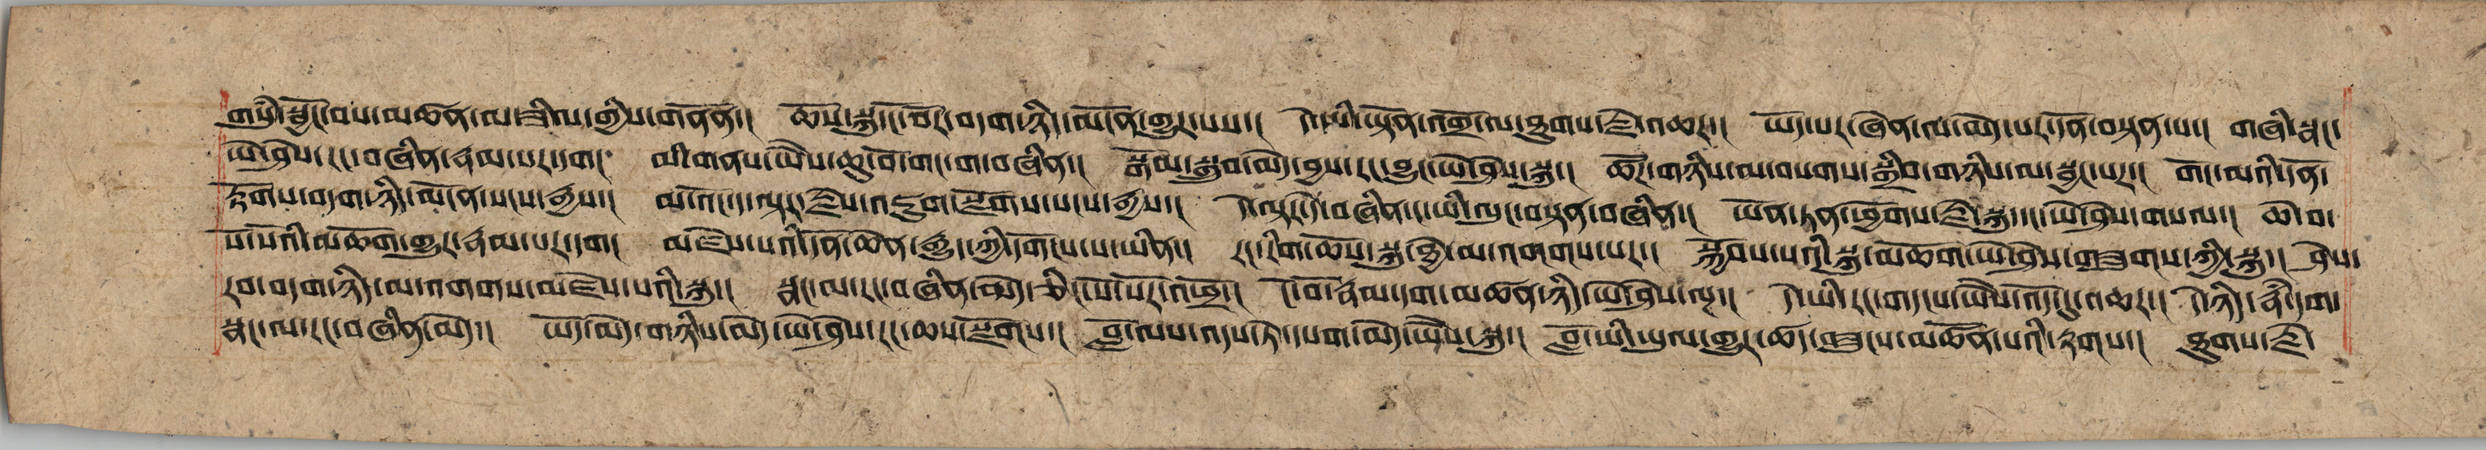གསུཾ་སྦྱོང་བས་མཚན་མ་ཟིལ་གྱིས་གནོན་། ཆོས་སྐུ་ངོ་བོར་བདག་ཉིད་མངོན་གྱུར་པས་། དེ་ཡི་ཡྟོན་འགྲོ་ལ་ཐུགས་རྗེ་འཆར་། ཡོད་པར་ཞེན་ལ་མེད་པར་དོན་བསྟན་པ་། གཞི་སྣང་
ཡེ་ཤེས་རང་བཞིན་རྣམ་པར་དག། མི་གནས་ཡཻས་ཆུ་བོ་གང་ག་བཞིན་། སྒོམ་སྒྲུབ་མེད་བྱས་རང་བྱུང་ཡེ་ཤེས་སྐུ་། ཚོཌ་གཉིས་མ་བསགས་སྒྲིབ་གཉིས་མ་སྦྱང་པར་། གོང་མའི་དོན་
རྟོགས་བདག་ཉིད་མངོན་སངས་རྒྱས་། མ་འོང་ད་ལྟར་རྗེས་འཇུག་སྫོགས་སངས་རྒྱས་། དེ་ལྟར་དེ་བཞིན་ང་ཡི་ལུང་བསྟན་བཞིན་། ཡོན་ཏན་ཕྱོགས་རྗེ་སྐུ་དང་ཡེ་ཤེས་གསལ་། ཆེ་བ་
སོ་སོའི་མཆོག་གྱུར་རྣམ་པར་དག། མཛེས་པའི་དོན་ཆེན་རྒྱུད་ཀྱི་དགོངས་པ་ཡིན་། རང་རིག་ཆོས་སྐུ་ཐྱེ་མ་འགགས་པར་། སྐྱོབས་པའི་སྐུ་མཆོག་ཡེ་ཤེས་གཟུགས་ཀྱི་སྐུ་། ཤེས་
རབ་བདག་ཉིད་མ་འགགས་མཛེས་པའི་སྐུ་། སྣང་ལ་རང་བཞིན་མེད་ཅིང་སོ་སོར་འཕྲོ་། ངོ་བོ་རྣམ་དག་མཚན་ཉིད་ཡེ་ཤེས་ལྔ་། དེ་ཡི་རང་གདངས་ཡཻས་འོད་དུ་འཆར་། དེ་ཉིད་རྣཾ་དག་
སྣང་ལ་རང་བཞིན་མེད་། ཡོད་མེད་གཉིས་མེད་ཡེ་ཤེས་རང་ཆས་སྫོགས་། བློ་ལས་འདས་ཏེ་དཔག་མེད་ཡཻས་སྐུ་། བློ་ཡི་ཡུལ་གྱུར་ཚད་བཟུངས་མཚོན་པའི་རྟགས་། ཐུགས་རྗེ་